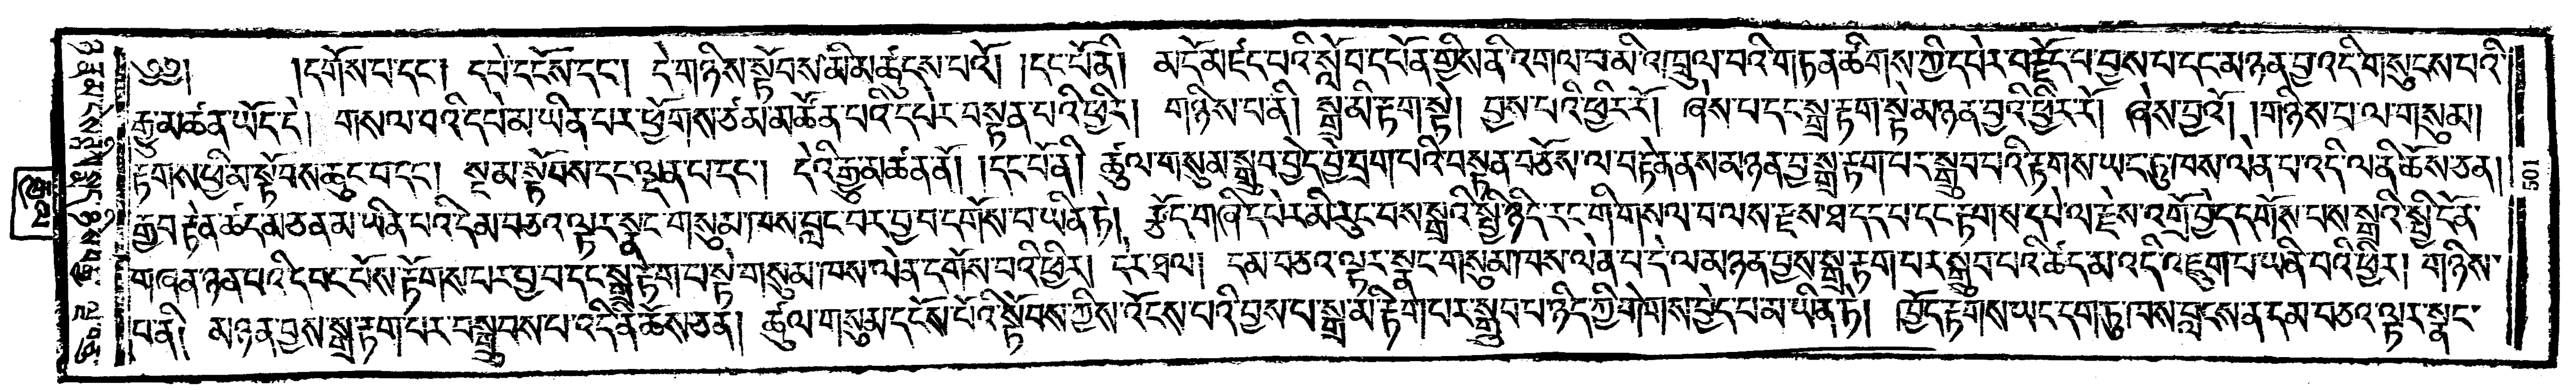༄༅། །དགོས་པ་དང་། དཔེ་དངོས་དང་། དེ་གཉིས་སྟོབས་མི་མཚུངས་པའོ། །དང་པོ་ནི། མདོ་མཛད་པའི་སློབ་དཔོན་གྱིས་ནི་འགལ་བ་མི་འཁྲུལ་བའི་གཏན་ཚིགས་ཀྱི་དཔེར་བརྗོད་པ་བྱས་པ་དང་མཉན་བྱ་འདི་གསུངས་པའི་
རྒྱུ་མཚན་ཡོད་དེ། གསལ་བའི་དཔེ་མ་ཡིན་པར་ཕྱོགས་ཙམ་མཚོན་པའི་དཔེར་བསྟན་པའི་ཕྱིར། གཉིས་པ་ནི། སྒྲ་མི་རྟག་སྟེ། བྱས་པའི་ཕྱིར་རོ། ཞེས་པ་དང་སྒྲ་རྟག་སྟེ་མཉན་བྱའི་ཕྱིར་རོ། ཞེས་བྱའོ། །གཉིས་པ་ལ་གསུམ།
རྟགས་ཕྱི་མ་སྟོབས་ཆུང་བ་དང་། སྔ་མ་སྟོབས་དང་ལྡན་པ་དང་། དེའི་རྒྱུ་མཚན་ནོ། །དང་པོ་ནི། ཚུལ་གསུམ་སྒྲུབ་བྱེད་བྱེ་བྲག་པའི་བསྟན་བཅོས་ལ་བརྟེན་ནས་མཉན་བྱ་སྒྲ་རྟག་པར་སྒྲུབ་པའི་རྟགས་ཡང་ཏུ་ཁས་ལེན་པ་འདི་ལ་ནི་ཆོས་ཅན།
རྒྱབ་རྟེན་ཚད་མ་ཅན་མ་ཡིན་པའི་དམ་བཅའ་ལྟར་སྣང་གསུམ་ཁས་བླང་བར་བྱ་བ་དགོས་པ་ཡིན་ཏེ། རྩོད་གཞི་དཔེར་མི་རུང་བས་སྒྲའི་སྤྱི་ཉིད་རང་གི་གསལ་བ་ལས་རྫས་ཐ་དད་པ་དང་རྟགས་དཔེ་ལ་རྗེས་འགྲོ་བྱེད་དགོས་པས་སྒྲའི་སྤྱི་དོན་
གཞན་ཉན་པའི་དབང་པོས་རྟོགས་པར་བྱ་བ་དང་སྒྲ་རྟག་པ་སྟེ་གསུམ་ཁས་ལེན་དགོས་པའི་ཕྱིར། དེར་ཐལ། དམ་བཅའ་ལྟར་སྣང་གསུམ་ཁས་ལེན་པ་དེ་ལ་མཉན་བྱས་སྒྲ་རྟག་པར་སྒྲུབ་པའི་ཚད་མ་འདི་འཇུག་པ་ཡིན་པའི་ཕྱིར། གཉིས་
པ་ནི། མཉན་བྱས་སྒྲ་རྟག་པར་བསྒྲུབས་པ་འདི་ནི་ཆོས་ཅན། ཚུལ་གསུམ་དངོས་པོའི་སྟོབས་ཀྱིས་འོངས་པའི་བྱས་པ་སྒྲ་མི་རྟག་པར་སྒྲུབ་པ་ཉིད་ཀྱི་གེགས་བྱེད་པ་མ་ཡིན་ཏེ། ཁྱོད་རྟགས་ཡང་དག་ཏུ་ཁས་བླངས་ན་དམ་བཅའ་ལྟར་སྣང་